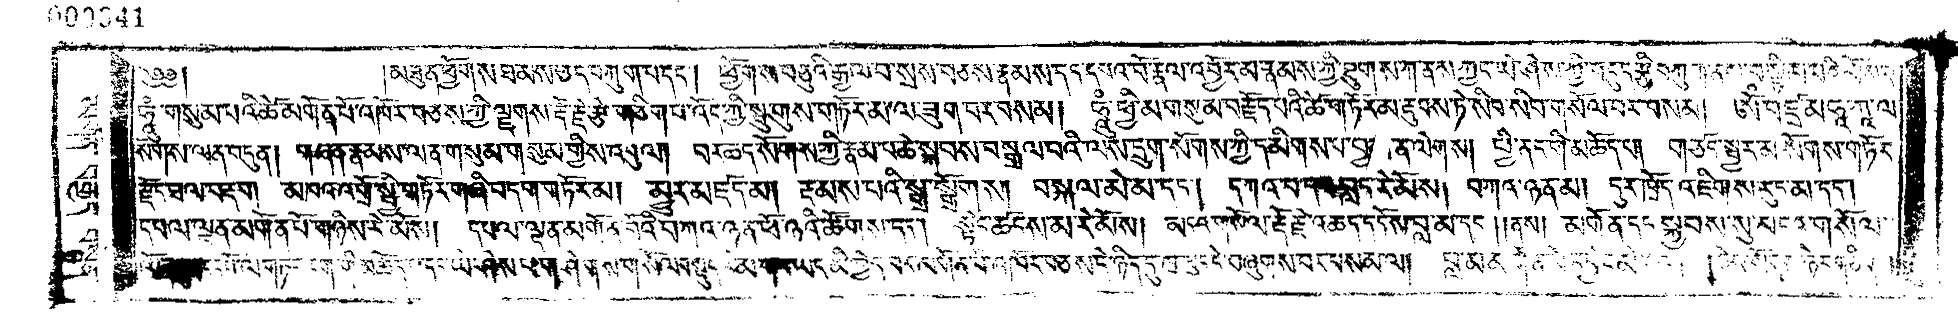༄༅། །མཐུན་ཕྱོགས་ཐམས་ཅད་བཀུག་པ་དང་། ཕྱོགས་བཅུའི་རྒྱལ་བ་སྲས་བཅས་རྣམས་དང་དཔའ་བོ་རྣལ་འབྱོར་མ་རྣམས་ཀྱི་ཐུགས་ཀ་ནས་ཀྱང་ཡེ་ཤེས་ཀྱི་བདུད་རྩི་བཀུག་ནས་བསྟིམ་པའི་མོས་པ་
ཧཱུཾ་གསུམ་པའི་ཚེ་མགོན་པོ་འཁོར་བཅས་ཀྱི་ལྗགས་རྡོ་རྗེ་རྩེ་གཅིག་པ་འོད་ཀྱི་སྤུ་གུས་གཏོར་མ་ལ་ཟུག་པར་བསམ། ཧཱུཾ་ཕྱི་མ་གསུམ་བརྗོད་པའི་ཚེ་གཏོར་མ་རྡུབས་ཏེ་སིབ་སིབ་གསོལ་བར་བསམ།  ཨོཾ་བཛྲ་མཧཱ་ཀཱ་ལ་
སོགས་ལན་བདུན། གཞན་རྣམས་ལན་གསུམ་གསུམ་གྱིས་འབུལ། བར་ཆད་སོགས་ཀྱི་རྣམ་པ་ཆེ་སྐབས་བསྒྲལ་བའི་ལས་དྲུག་སོགས་ཀྱི་དམིགས་པ་བྱས་ན་ལེགས། ཕྱི་ནང་གི་མཆོད་པ། གཙང་སྦྱར་མ་སོགས་གཏོར་
རྫོང་ཐལ་བརྡབ། མཁའ་འགྲོ་སྤྱི་གཏོར་གཞི་བདག་གཏོར་མ། མྱུར་མཛད་མ། རྔམས་པའི་སྒྲ་སྒྲོགས། བསྐལ་མེ་མ་དང་། དཀའ་བ་དང་བླང་རེ་མོས། བཀའ་ཉན་མ། དུར་ཁྲོད་འཇིགས་རུང་མ་དང་།
དཔལ་ལྡན་མགོན་པོ་གཉིས་རེ་མོས། དཔལ་ལྡན་མགོན་པོའི་བཀའ་ཉན་ཕོ་ཉའི་ཚོགས་དང་། སྟེང་ཚངས་མ་རེ་མོས། མངའ་གསོལ་རྡོ་རྗེ་འཆད་དངོས་བླ་མ་དང་། །ནས།  མགོན་དང་སྐྱབས་སུ་མངའ་གསོལ་
ལོ། ཐུན་དང་པོ་ལ་གཏང་རག་གི་མཆོད་པ་དང་ཡེ་ཤེས་པ་གཤེགས་གསོལ་བསྡུད་རིམ་གང་ཡང་མི་བྱེད་པར་མགོན་པོ་འཁོར་བཅས་དེ་ཉིད་དུ་ཁྲ་ཕུང་དེ་བཞུགས་པར་བསམ་ལ། བླ་མ་མགོན་པོ་དབྱེར་མེད་ལ། །ཞེས་སོགས་ཉེར་གཅིག །